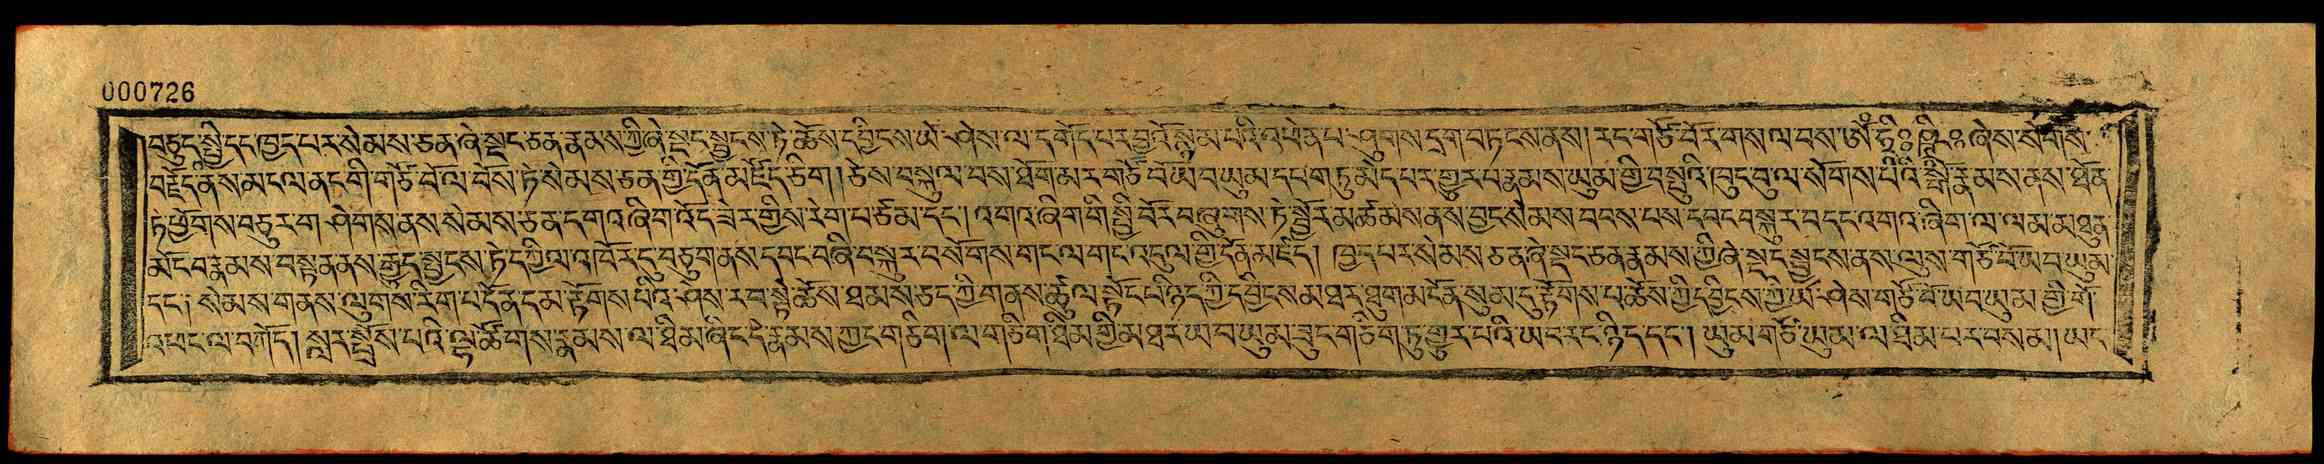བཅུད་སྤྱི་དང་ཁྱད་པར་སེམས་ཅན་ཞེ་སྡང་ཅན་རྣམས་ཀྱི་ཞེ་སྡང་སྦྱངས་ཏེ་ཆོས་དབྱིངས་ཡེ་ཤེས་ལ་དགོད་པར་བྱའོ་སྙམ་པའི་འཕེན་པ་ཤུགས་དྲག་བཏངས་ནས། རང་གཙོ་བོར་གསལ་བས་ཨོཾ་ཧྲཱིཿ ཥྚྲཱིཿ ཞེས་སོགས་
བརྗོད་ནས་མངལ་ནང་གི་གཙོ་བོ་ལ་བོས་ཏེ་སེམས་ཅན་གྱི་དོན་མཛོད་ཅིག །ཅེས་བསྐུལ་བས་ཐོག་མར་གཙོ་བོ་ཡབ་ཡུམ་དཔག་ཏུ་མེད་པར་གྱུར་པ་རྣམས་ཡུམ་གྱི་བ་སྦུའི་ཁུང་བུ་ལ་སོགས་པའི་སྒོ་རྣམས་ནས་ཐོན་
ཏེ་ཕྱོགས་བཅུར་གཤེགས་ནས་སེམས་ཅན་འགའ་ཞིག་འོད་ཟེར་གྱིས་རེག་པ་ཙམ་དང་། འགའ་ཞིག་གི་སྤྱི་བོར་བཞུགས་ཏེ་སྦྱོར་མཚམས་ནས་བྱང་སེམས་བབས་པས་དབང་བསྐུར་བ་དང་འགའ་ཞིག་ལ་ལམ་མཐུན་
མོང་བ་རྣམས་བསྟན་ནས་རྒྱུད་སྦྱངས་ཏེ་དཀྱིལ་འཁོར་དུ་བཅུག་ནས་དབང་བཞི་བསྐུར་བ་སོགས་གང་ལ་གང་འདུལ་གྱི་དོན་མཛད། ཁྱད་པར་སེམས་ཅན་ཞེ་སྡང་ཅན་རྣམས་ཀྱི་ཞེ་སྡང་སྦྱངས་ནས་ལུས་གཙོ་བོ་ཡབ་ཡུམ་
དང༑ སེམས་གནས་ལུགས་རིག་པ་དོན་དམ་རྟོགས་པའི་ཤེས་རབ་སྟེ་ཆོས་ཐམས་ཅད་ཀྱི་གནས་ཚུལ་སྟོང་པ་ཉིད་ཀྱི་དབྱིངས་མཐར་ཐུག་མངོན་སུམ་དུ་རྟོགས་པ་ཆོས་ཀྱི་དབྱིངས་ཀྱི་ཡེ་ཤེས་གཙོ་བོ་ཡབ་ཡུམ་གྱི་གོ་
འཕང་ལ་བཀོད། སླར་སྤྲོས་པའི་ལྷ་ཚོགས་རྣམས་ལ་ཐིམ་ཞིང་དེ་རྣམས་ཀྱང་གཅིག་ལ་གཅིག་ཐིམ་གྱི་མཐར་ཡབ་ཡུམ་ཟུང་གཅིག་ཏུ་གྱུར་པའི་ཡབ་རང་ཉིད་དང་། ཡུམ་གཙོ་ཡུམ་ལ་ཐིམ་པར་བསམ། ཡང་